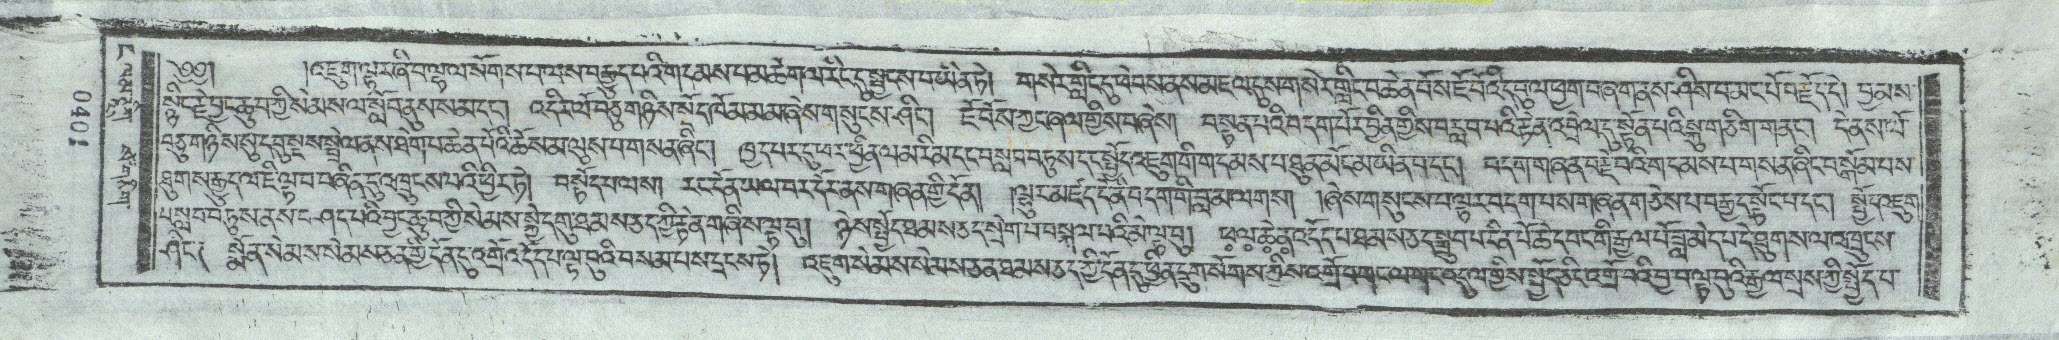༄༅། །འཇུག་ལྟར་ཞི་བ་ལྷ་ལ་སོགས་པ་ལས་བརྒྱུད་བའི་གདམས་པ་མཆོག་ལ་རིང་དུ་སྦྱངས་པ་ཡིན་ཏེ། གསེར་གླིང་དུ་ཕེབས་ནས་མཇལ་དུས་གསེར་གླིང་བ་ཆེན་པོས་ཇོ་བོའི་དབུ་ལ་ཕྱག་བཞག་ནས་ཤིས་པ་མང་པོ་བརྗོད་དེ། བྱམས་
སྙིང་རྗེ་བྱང་ཆུབ་ཀྱི་སེམས་ལ་སློབ་ནུས་སམ་དང་། འདིར་ལོ་བཅུ་གཉིས་སྡོད་ཁོམ་མམ་ཞེས་གསུངས་ཤིང་། ཇོ་བོས་ཀྱང་ཞལ་གྱིས་བཞེས། བསྟན་པའི་བདག་པོར་བྱིན་གྱིས་བརླབ་པའི་རྟེན་འབྲེལ་དུ་སྟོན་པའི་སྐུ་གཅིག་གནང་། དེ་ནས་ལོ་
བཅུ་གཉིས་སུ་དབུ་སྡས་སྤྲེལ་ནས་ཐེག་པ་ཆེན་པོའི་ཆོས་མ་ལུས་པ་གསན་ཞིང་། ཁྱད་པར་དུ་ཕར་ཕྱིན་ལམ་རིམ་དང་བསླབ་བཏུས་དང་སྤྱོད་འཇུག་གི་གདམས་པ་ཐུན་མོང་མ་ཡིན་པ་དང་། བདག་གཞན་བརྗེ་བའི་གདམས་པ་གསན་ཞིང་བསྒོམ་པས་
ཐུགས་རྒྱུད་ལ་ཇི་ལྟ་བ་བཞིན་དུ་འཁྲུངས་པའི་ཕྱིར་ཏེ། བསྟོད་པ་ལས། རང་དོན་ཡལ་བར་དོར་ནས་གཞན་གྱི་དོན། །ལྷུར་མཛད་དོ་ནི་བདག་གི་བླ་མ་ལགས། །ཞེས་གསུངས་པ་ལྟར་བདག་པས་གཞན་གཅེས་པ་བརྒྱད་སྟོང་པ་དང་། སྤྱོད་འཇུག་
བསླབ་བཏུས་ནས་བཤད་པའི་བྱང་ཆུབ་ཀྱི་སེམས་སྐྱེ་དགུ་ཐམས་ཅད་ཀྱི་རྟེན་གཞི་ས་ལྟ་བུ། ཉེས་སྤྱོད་ཐམས་ཅད་སྲེག་པ་བསྐལ་པའི་མེ་ལྟ་བུ། ཕལ་ཆེན་འདོད་པ་ཐམས་ཅད་སྒྲུབ་པ་རིན་པོ་ཆེ་དབང་གི་རྒྱལ་པོ་ཟླ་མེད་པ་དེ་ཐུགས་ལ་འཁྲུངས་
ཤིང༑ སྨོན་སེམས་སེམས་ཅན་གྱི་དོན་དུ་འགྲོ་འདོད་པ་ལྟ་བུའི་བསམ་པས་དྲངས་ཏེ། འཇུག་སེམས་སེམས་ཅན་ཐམས་ཅད་ཀྱི་དོན་དུ་ཕྱིན་དྲུག་སོགས་ཀྱིས་འགྲོ་བ་གང་ལ་གང་འདུལ་ཀྱིས་སྦྱོད་ཅིང་འགྲོ་བའི་བྱ་བ་ལྟ་བུའི་རྒྱལ་སྲས་ཀྱི་སྤྱོད་པ་